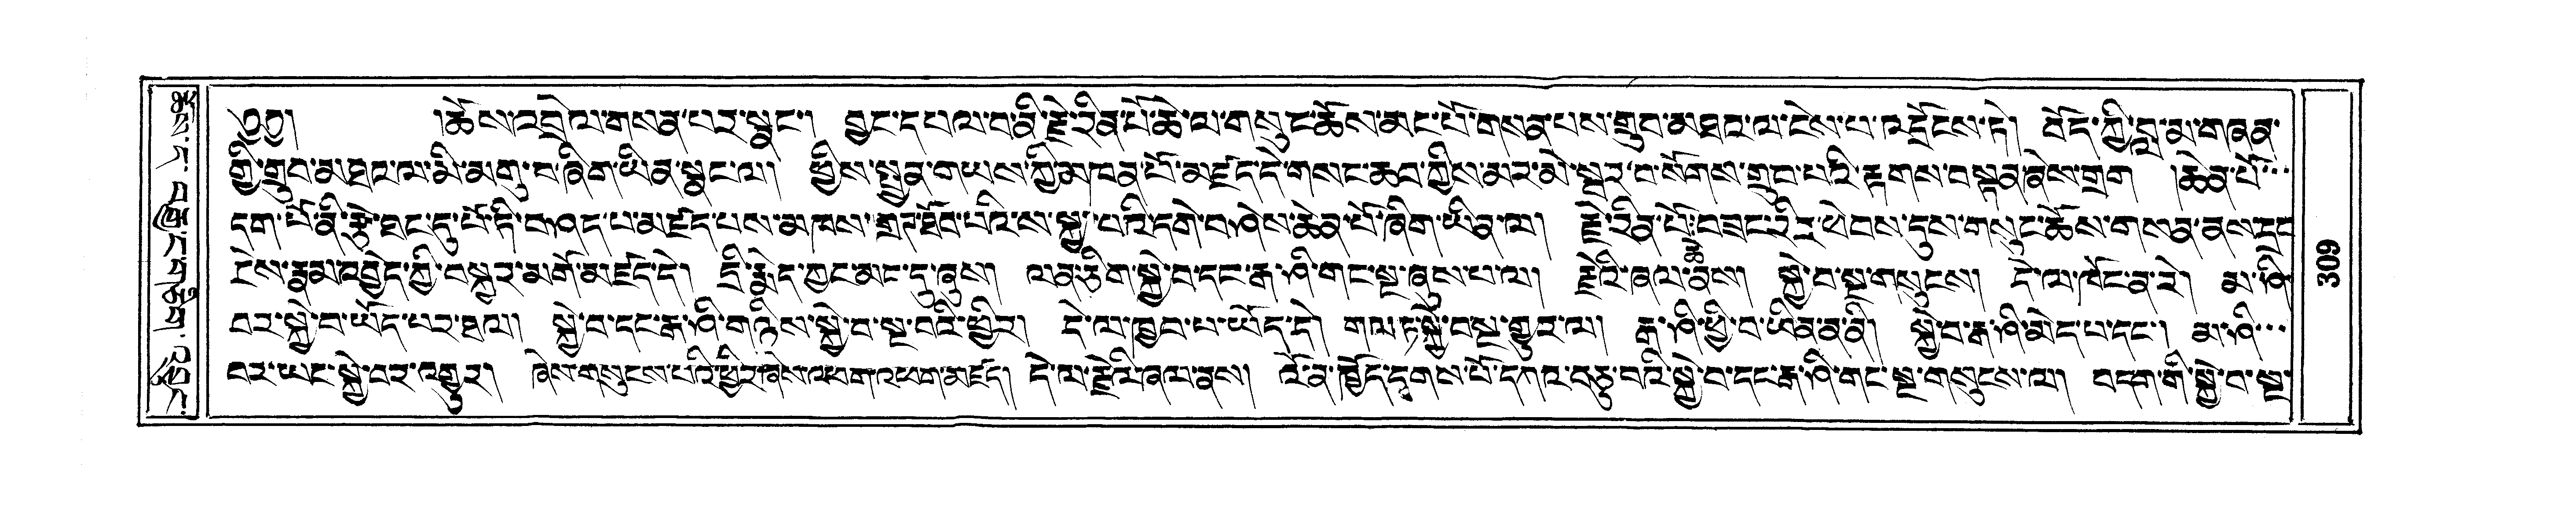༄༅། །ཆོས་འབྲེལ་གསན་པར་སྣང་། བྱང་དཔལ་བ་ནི་རྗེ་རིན་པོ་ཆེ་ལ་གསུང་ཆོས་མང་པོ་གསན་པས་གྲུབ་མཐའ་ལ་ངེས་པ་འདྲོངས་ཏེ། བོད་ཀྱི་བླ་མ་གཞན་
གྱི་གྲུབ་མཐའ་ལ་མི་མགུ་བ་ཞིག་ཡིན་སྣང་ལ། ཕྱིས་སྤྱན་གཡས་ཀྱི་མཁན་པོ་མཛད་དེ་གསང་ཆབ་ཀྱིས་མར་མེ་སྦར་བ་སོགས་གྲུབ་པའི་རྟགས་བསྟན་ཞེས་གྲག །ཆེན་པོ་
དག་པོ་ནི་རྩེ་ཐང་དུ་པོ་ཏེ་བཤད་པ་མཛད་པས་མཁས་གྲཊ་ཐོབ་པའི་ས་སྐྱ་བའི་དགེ་བཤེས་ཆེན་པོ་ཞིག་ཡིན་ལ། རྗེ་རིན་པོ་ཆེ་བཟང་རིར་ཕེབས་དུས་གསུང་ཆོས་གསན་ནས་དྲང་
ངེས་རྣམ་འབྱེད་ཀྱི་བསྐྱར་མགོ་མཛད་དེ། དྲི་རྨེད་ཀྱང་མང་དུ་ཞུས། ལན་ཅིག་སྐྱེ་བ་དང་རྒ་ཤི་གང་སྔ་ཞུས་པ་ལ། རྗེའི་ཞལ་ནས། སྐྱེ་བ་སྔ་གསུངས། དེ་ལ་ཁོང་ན་རེ། མ་ཤི་
བར་སྐྱེ་བ་ཡོད་པར་ཐལ། སྐྱེ་བ་དང་རྒ་ཤི་གཉིས་སྐྱེ་བ་སྔ་བའི་ཕྱིར། དེ་ལ་ཁྱབ་པ་ཡོད་དེ། གལ་ཏ་སྐྱེ་བ་སྔ་གྱུར་ལ། རྒ་ཤི་ཕྱི་བ་ཡིན་ན་ནི། སྐྱེ་བ་རྒ་ཤི་མེད་པ་དང་། མ་ཤི་
བར་ཡང་སྐྱེ་བར་འགྱུར། ཞེས་གསུངས་པའི་ཕྱིར་ཞེས་འཕག་འཕག་མཛད། དེ་ལ་རྗེའི་ཞལ་ནས། འོ་ན་ཁྱོད་དྭགས་པོ་དཀའ་བཅུ་བའི་སྐྱེ་བ་དང་རྒ་ཤི་གང་སྔ་གསུངས་ལ། བདག་གི་སྐྱེ་བ་སྔ་